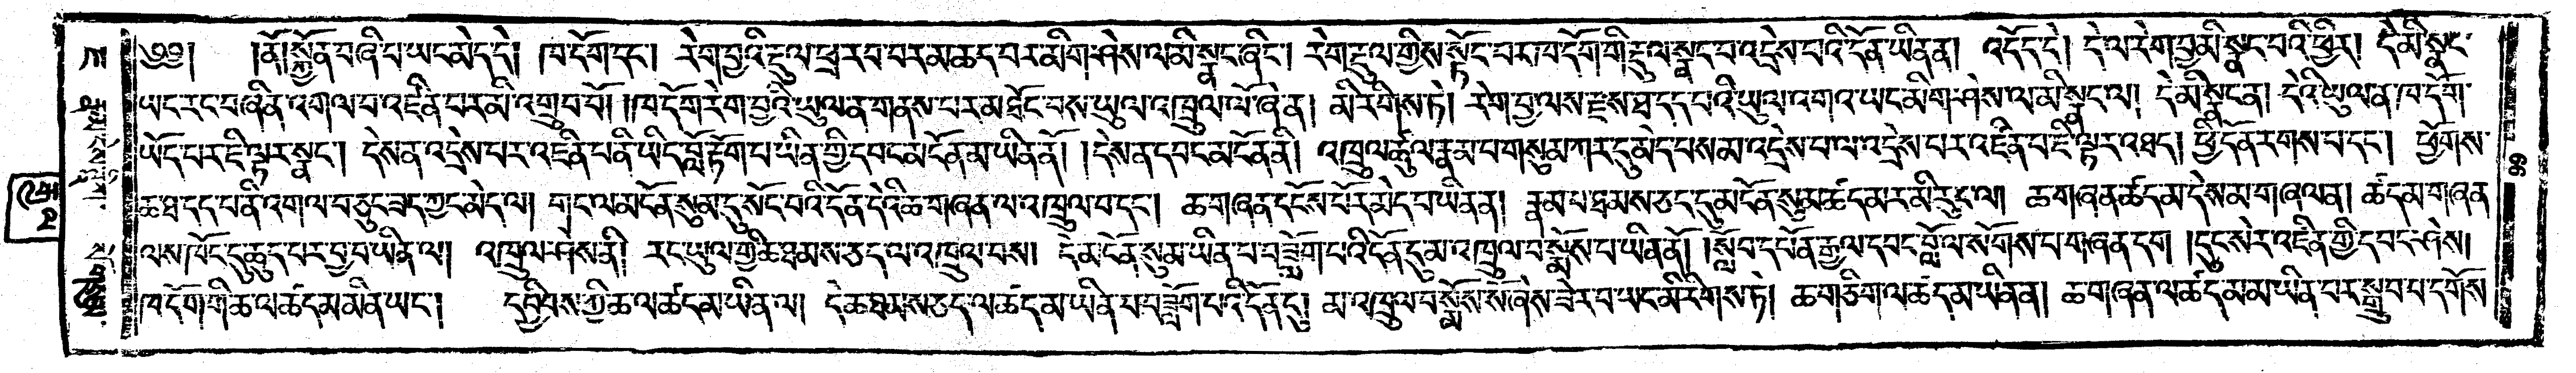༄༅། །ནོ། སྐྱོན་བཞི་པ་ཡང་མེད་དེ། ཁ་དོག་དང་། རེག་བྱའི་རྡུལ་ཕྲ་རབ་བར་མ་ཆད་པར་མིག་ཤེས་ལ་མི་སྣང་ཞིང་། རེག་རྡུལ་གྱིས་སྟོང་བར་ཁ་དོག་གི་རྡུལ་སྣང་བ་འདྲེས་པའི་དོན་ཡིན་ན། འདོད་དེ། དེ་ལ་རེག་བྱ་མི་སྣང་བའི་ཕྱིར། དེ་མི་སྣང་
ཡང་རང་བཞིན་འགལ་བ་འཛིན་པར་མི་འགྲུབ་བོ། །ཁ་དོག་རེག་བྱའི་ཡུལ་ན་གནས་པར་མཐོང་བས་ཡུལ་འཁྲུལ་ལོ་ཞེ་ན། མི་རིགས་ཏེ། རེག་བྱ་ལས་རྫས་ཐ་དད་པའི་ཡུལ་འགའ་ཡང་མིག་ཤེས་ལ་མི་སྣང་ལ། དེ་མི་སྣང་ན། དེའི་ཡུལ་ན་ཁ་དོག་
ཡོད་པར་ཇི་ལྟར་སྣང་། དེས་ན་འདྲེས་པར་འཛིན་པ་ནི་ཡིད་བློ་རྟོག་པ་ཡིན་གྱི་དབང་མངོན་མ་ཡིན་ནོ། །དེས་ན་དབང་མངོན་ནི། འཁྲུལ་ཚུལ་རྣམ་པ་གསུམ་ཀར་དུ་མེད་པས་མ་འདྲེས་པ་ལ་འདྲེས་པར་འཛིན་པ་ཇི་ལྟར་འཐད། ཕྱི་དོན་རགས་པ་དང་། ཕྱོགས་
ཆ་ཐ་དད་པ་ནི་འགལ་བ་ཅུང་ཟད་ཀྱང་མེད་ལ། གང་ལ་མངོན་སུམ་དུ་སོང་བའི་དོན་དེའི་ཆ་གཞན་ལ་འཁྲུལ་པ་དང་། ཆ་གཞན་དངོས་པོར་མེད་པ་ཡིན་ན། རྣམ་པ་ཐམས་ཅད་དུ་མངོན་སུམ་ཚད་མར་མི་རུང་ལ། ཆ་གཞན་ཚད་མ་དེས་མ་གཞལ་ན། ཚད་མ་གཞན་
ལས་ཁོང་དུ་ཆུད་པར་བྱ་བ་ཡིན་ལ། འཁྲུལ་ཤེས་ནི། རང་ཡུལ་གྱི་ཆ་ཐམས་ཅད་ལ་འཁྲུལ་བས། དེ་མངོན་སུམ་ཡིན་པ་བཟློག་པའི་དོན་དུ་མ་འཁྲུལ་བ་སྨོས་པ་ཡིན་ནོ། །སློབ་དཔོན་རྒྱལ་དབང་བློ་ལ་སོགས་པ་གཞན་དག །དུང་སེར་འཛིན་གྱི་དབང་ཤེས།
ཁ་དོག་གི་ཆ་ལ་ཚད་མ་མིན་ཡང་། དབྱིབས་ཀྱི་ཆ་ལ་ཚད་མ་ཡིན་ལ། དེ་ཆ་ཐམས་ཅད་ལ་ཚད་མ་ཡིན་པ་བཟློག་པའི་དོན་དུ། མ་འཁྲུལ་བ་སྨོས་སོ་ཞེས་ཟེར་བ་ཡང་མི་རིགས་ཏེ། ཆ་གཅིག་ལ་ཚད་མ་ཡིན་ན། ཆ་གཞན་ལ་ཚད་མ་མ་ཡིན་པར་སྒྲུབ་པ་དགོས་